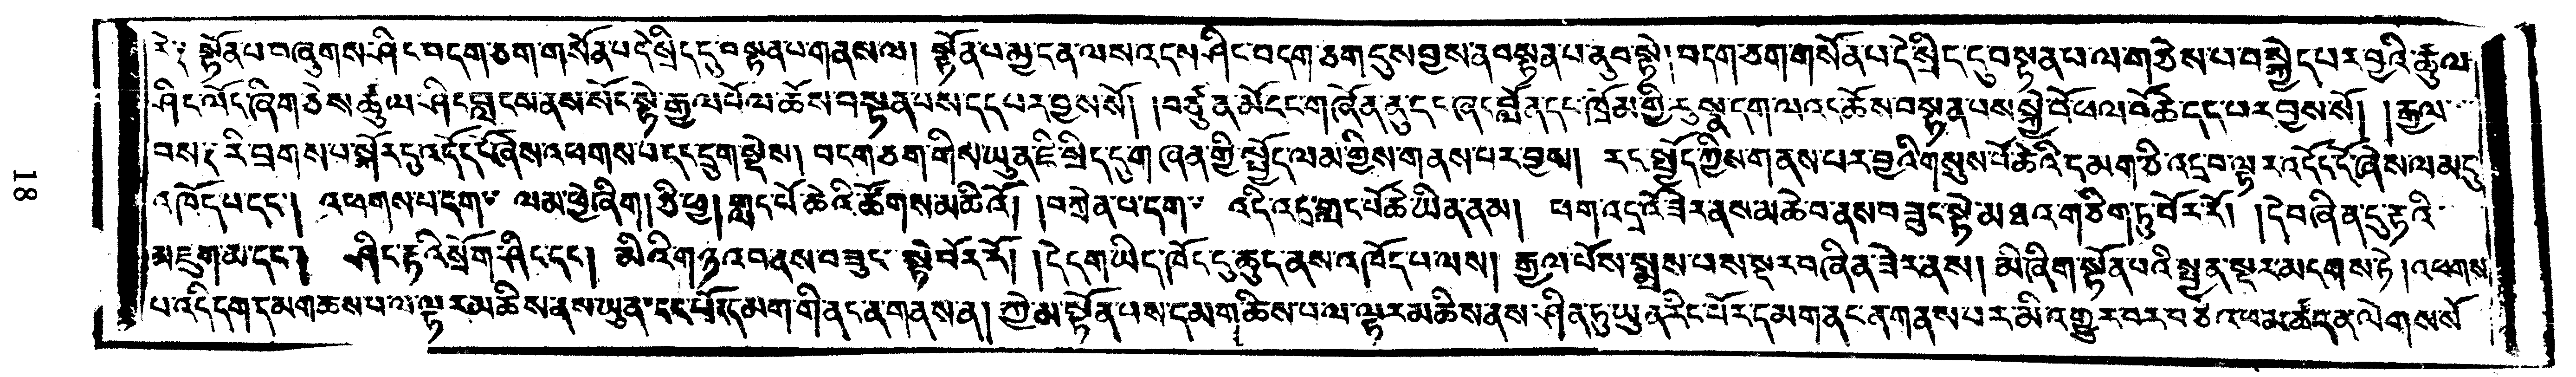རེ༑ སྟོན་པ་བཞུགས་ཤིང་བདག་ཅག་གསོན་པ་དེ་སྲིད་དུ་བསྟན་པ་གནས་ལ། སྟོན་པ་མྱ་ངན་ལས་འདས་ཤིང་བདག་ཅག་དུས་བྱས་ན་བསྟན་པ་ནུབ་སྟེ། བདག་ཅག་གསོན་པ་དེ་སྲིད་དུ་བསྟན་པ་ལ་གཅེས་པ་བསྐྱེད་པར་བྱའི་ཚུལ་
ཤིང་ལོང་ཞིག་ཅེས་ཚུལ་ཤིང་བླངས་ནས་སོང་སྟེ་རྒྱལ་པོ་ལ་ཆོས་བསྟན་པས་དད་པར་བྱས་སོ། །བཙུན་མོ་དང་གཞོན་ནུ་དང་ཞང་བློན་དང་ཁྲོམ་གྱི་རུ་སྣ་དག་ལའང་ཆོས་བསྟན་པས་སྐྱེ་བོ་ཕལ་བོ་ཆེ་དད་པར་བྱས་སོ། །རྒྱལ་
བས༑ རི་བྲགས་པ་སྐོར་དུ་འདོད་དོ་ཞེས་འཕགས་པ་དང་དྲུག་སྡེས། བདག་ཅག་གིས་ཡུན་ཇི་སྲིད་དུ་གཞན་གྱི་སྤྱོད་ལམ་གྱིས་གནས་པར་བྱས། རང་སྤྱོད་ཀྱིས་གནས་པར་བྱའི་གསུམ་པོ་ཆེའི་དམག་ཅི་འདྲ་བ་ལྟར་འདོད་དོ་ཞེས་ལམ་དུ་
འཁོད་པ་དང་། འཕགས་པ་དག་ལམ་ཕྱེ་ཞིག། ཅི་ཕྱ། གླང་པོ་ཆེའི་ཚོགས་མཆིའོ། །བཀྲེན་པ་དག་འདི་འདྲ་གླང་པོ་ཆེ་ཡིན་ནམ། ཕག་འདྲའོ་ཟེར་ནས་མཆེ་བ་ནས་བཟུང་སྟེ་མཐའ་གཅིག་ཏུ་བོར་རོ། །དེ་བཞིན་དུ་རྟའི་
མཇུག་མ་དང་། ཤིང་རྟའི་སྲོག་ཤིང་དང་། མིའི་གཉའ་བ་ནས་བཟུང་སྟེ་བོར་རོ། །དེ་དག་ཡིད་ཁོང་དུ་ཆུད་ནས་འཁོད་པ་ལས། རྒྱལ་པོས་སྨྲས་པས་སྔར་བཞིན་ཟེར་ནས། མི་ཞིག་སྟོན་པའི་སྤྱན་སྔར་མདགས་ཏེ། འཕགས་
པ་འདི་དག་དམག་ཆས་པ་ལ་ལྟར་མཆིས་ནས་ཡུན་དང་པོར་དམག་གི་ནང་ན་གནས་ན། ཀྱེ་མ་སྟོན་པས་དམག་ཆིས་པ་ལ་ལྟར་མཆིས་ནས་ཤིན་ཏུ་ཡུན་རིང་པོར་དམག་ནང་ན་གནས་པར་མི་འགྱུར་བར་བཅའ་ཕམ་ཚད་ན་ལེགས་སོ་